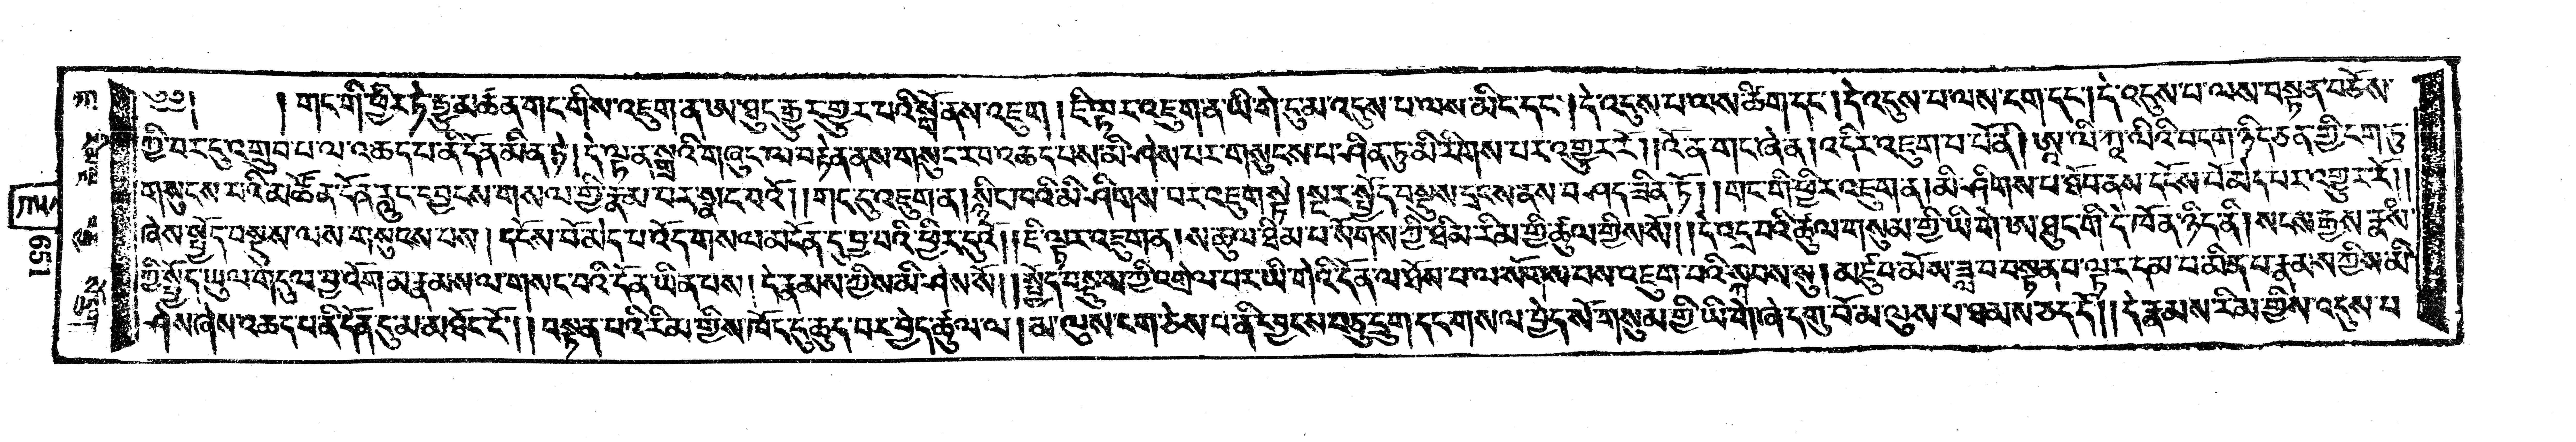༄༅། །གང་གི་ཕྱིར་ཏེ་རྒྱུ་མཚན་གང་གིས་འཇུག་ན་ཨ་ཐུང་རྒྱུར་གྱུར་པའི་སྒོ་ནས་འཇུག །ཇི་ལྟར་འཇུག་ན་ཡི་གེ་དུ་མ་འདུས་པ་ལས་མིང་དང་། དེ་འདུས་པ་ལས་ཚིག་དང་། དེ་འདུས་པ་ལས་ངག་དང་། དེ་འདུས་པ་ལས་བསྟན་བཅོས་
ཀྱི་བར་དུ་འགྲུབ་པ་ལ་འཆད་པ་ནི་དོན་མིན་ཏེ། དེ་ལྟ་ན་སྒྲའི་གཞུང་ལ་བརྟེན་ནས་གསུང་རབ་འཆད་པས་མི་ཤེས་པར་གསུངས་པ་ཤིན་ཏུ་མི་རིགས་པར་འགྱུར་རོ། །འོ་ན་གང་ཞེ་ན། འདིར་འཇུག་པ་པོ་ནི། ཨཱ་ལི་ཀཱ་ལིའི་བདག་ཉིད་ཅན་གྱི་ངག་ཏུ་
གསུངས་པའི་མཚོན་དོན་རླུང་དབྱངས་གསལ་གྱི་རྣམ་པར་སྣང་བའོ། །གང་དུ་འཇུག་ན། སྙིང་ཁའི་མི་ཤིགས་པར་འཇུག་སྟེ། སྔར་སྤྱོད་བསྡུས་དྲངས་ནས་བཤད་ཟིན་ཏོ། །གང་གི་ཕྱིར་འཇུག་ན། མི་ཤིགས་པ་ཐོབ་ནས་དངོས་པོ་མེད་པར་འགྱུར་རོ། །
ཞེས་སྤྱོད་བསྡུས་ལས་གསུངས་པས། དངོས་པོ་མེད་པ་འོད་གསལ་མངོན་དུ་བྱ་བའི་ཕྱིར་དུའོ། །ཇི་ལྟར་འཇུག་ན། ས་ཆུ་ལ་ཐིམ་པ་སོགས་ཀྱི་ཐིམ་རིམ་གྱི་ཚུལ་གྱིས་སོ། །དེ་འདྲ་བའི་ཚུལ་གསུམ་གྱི་ཡི་གེ་ཨ་ཐུང་གི་དེ་ཁོ་ན་ཉིད་ནི། སངས་རྒྱས་རྣམས་
ཀྱི་སྤྱོད་ཡུལ་གདུལ་བྱ་འོག་མ་རྣམས་ལ་གསང་བའི་དོན་ཡིན་པས། དེ་རྣམས་ཀྱིས་མི་ཤེས་སོ། །སྤྱོད་བསྡུས་ཀྱི་འགྲེལ་པར་ཡི་གེའི་དོན་ལ་ཐོས་པ་ལ་སོགས་པས་འཇུག་པའི་སྐབས་སུ། མཛུབ་མོས་ཟླ་བ་བསྟན་པ་ལྟར་དམ་པ་མིན་པ་རྣམས་ཀྱིས་མི་
ཤེས་ཞེས་འཆད་པ་ནི་དོན་དུ་མ་མཐོང་ངོ། །བསྟན་པའི་རིམ་གྱིས་ཁོང་དུ་ཆུད་པར་བྱེད་ཚུལ་ལ། མ་ལུས་ངག་ཅེས་པ་ནི་དབྱངས་བཅུ་དྲུག་དང་གསལ་བྱེད་སོ་གསུམ་གྱི་ཡི་གེ་ཞེས་དགུ་པོ་མ་ལུས་པ་ཐམས་ཅད་དོ། །དེ་རྣམས་རིམ་གྱིས་འདུས་པ་